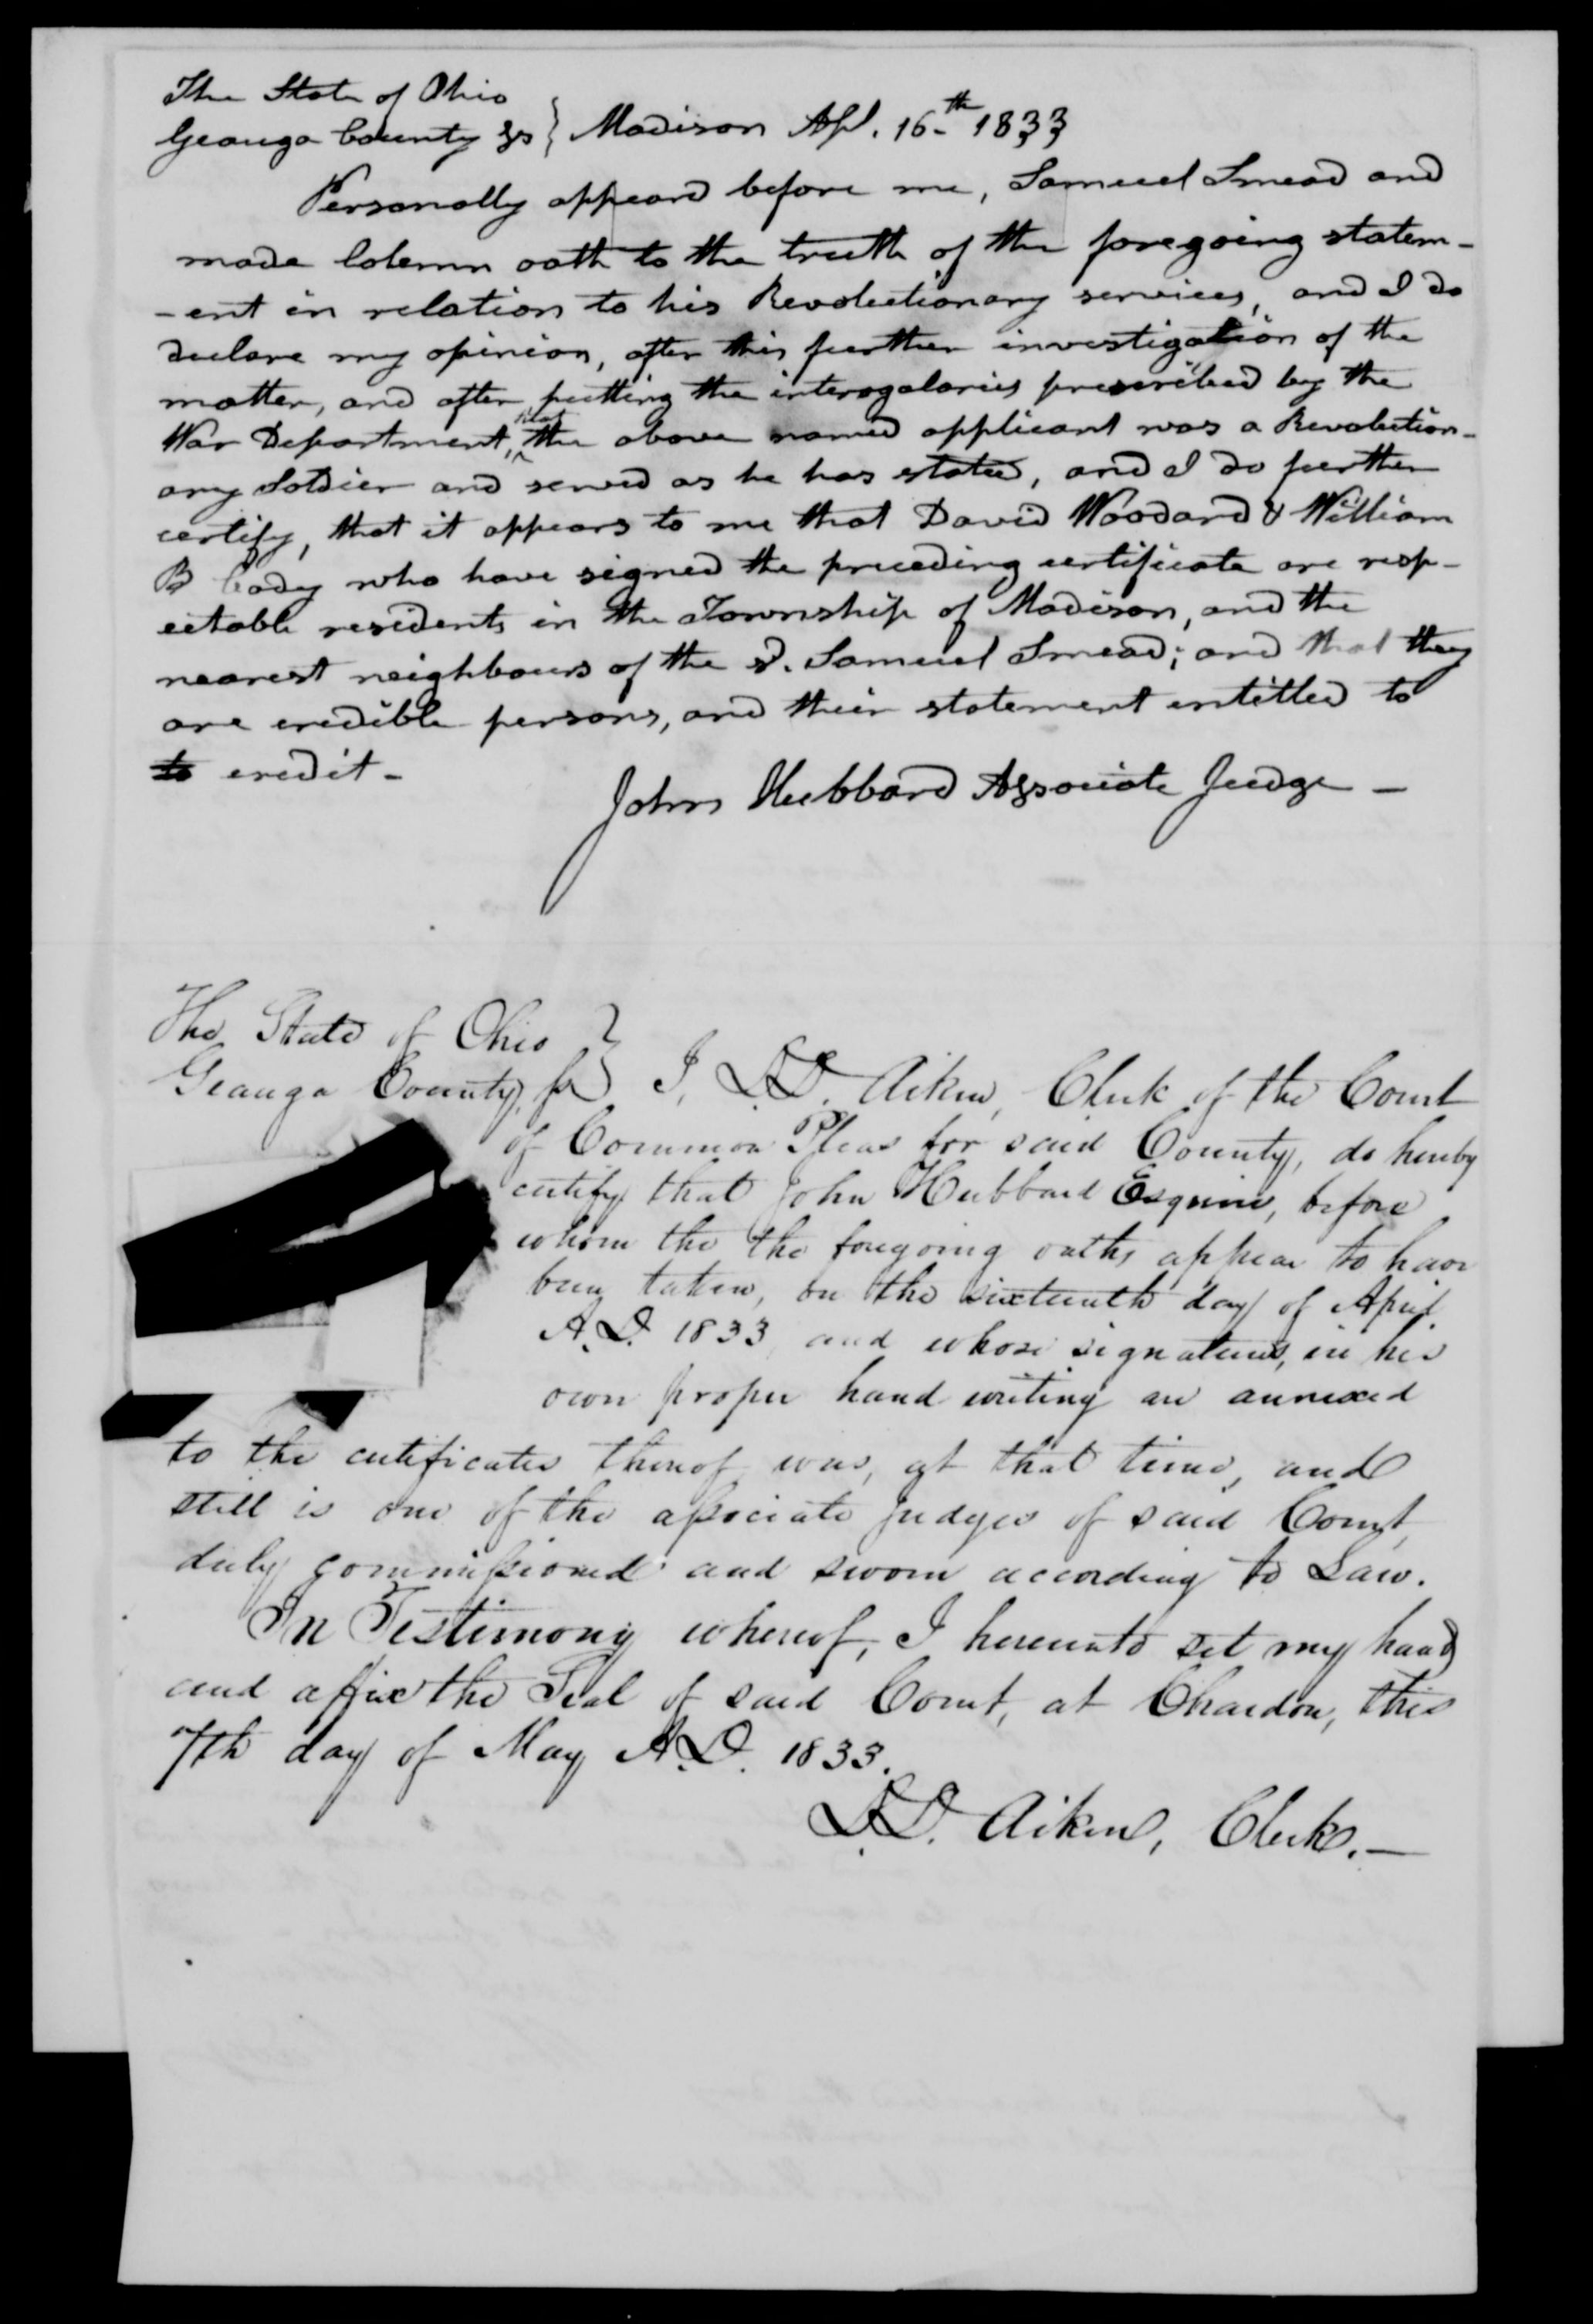The State of Ohio
Geauga County Ss } Madison Apr 16th 1833

Personally appeared before me, Samuel Smead and made solemn oath to the truth of the foregoing statement in relation to his Revolutionary services, and I do declare my opinion, after this further investigation of the matter, and after putting the interogatories [SIC] prescribed by the War Department, that the above named applicant was a Revolutionary Soldier and served as he has stated, and I do further certify, that it appears to me that David Woodard & William B Cady who have signed the preceding certificate are reputable residents in the Township of Madison, and the nearest neighbours [SIC] of the sd. Samuel Smead; and that they are credible persons, and their statement entitled to [to CROSSED OUT] credit.
John Hubbard Associate Judge

The State of Ohio
Geauga County Ss }
I D.D. Aiken, Clerk of the Court of Common Pleas for said County, do hereby certify that John Hubbard Esquire, before whom the foregoing oaths appear to have been taken, on the sixteenth day of April A.D. 1833 and whose signature, in his own proper hand writing and annexed to the certificates thereof, was, at that time, and still is one of the associate judges of said County duly commissioned and sworn according to Law.
In Testimony whereof, I hereunto set my hand and affix the Seal of said Court, at Chardon, this 7th day of May A.D. 1833
D.D. Aiken, Clerk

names: William B Cady; Samuel Smead; John Hubbard; D D Aiken; David Woodard; Samuel Smead; D D Aiken; John Hubbard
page: 6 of 18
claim: survivor's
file: S. 18,605, for Samuel Smead, Massachusetts